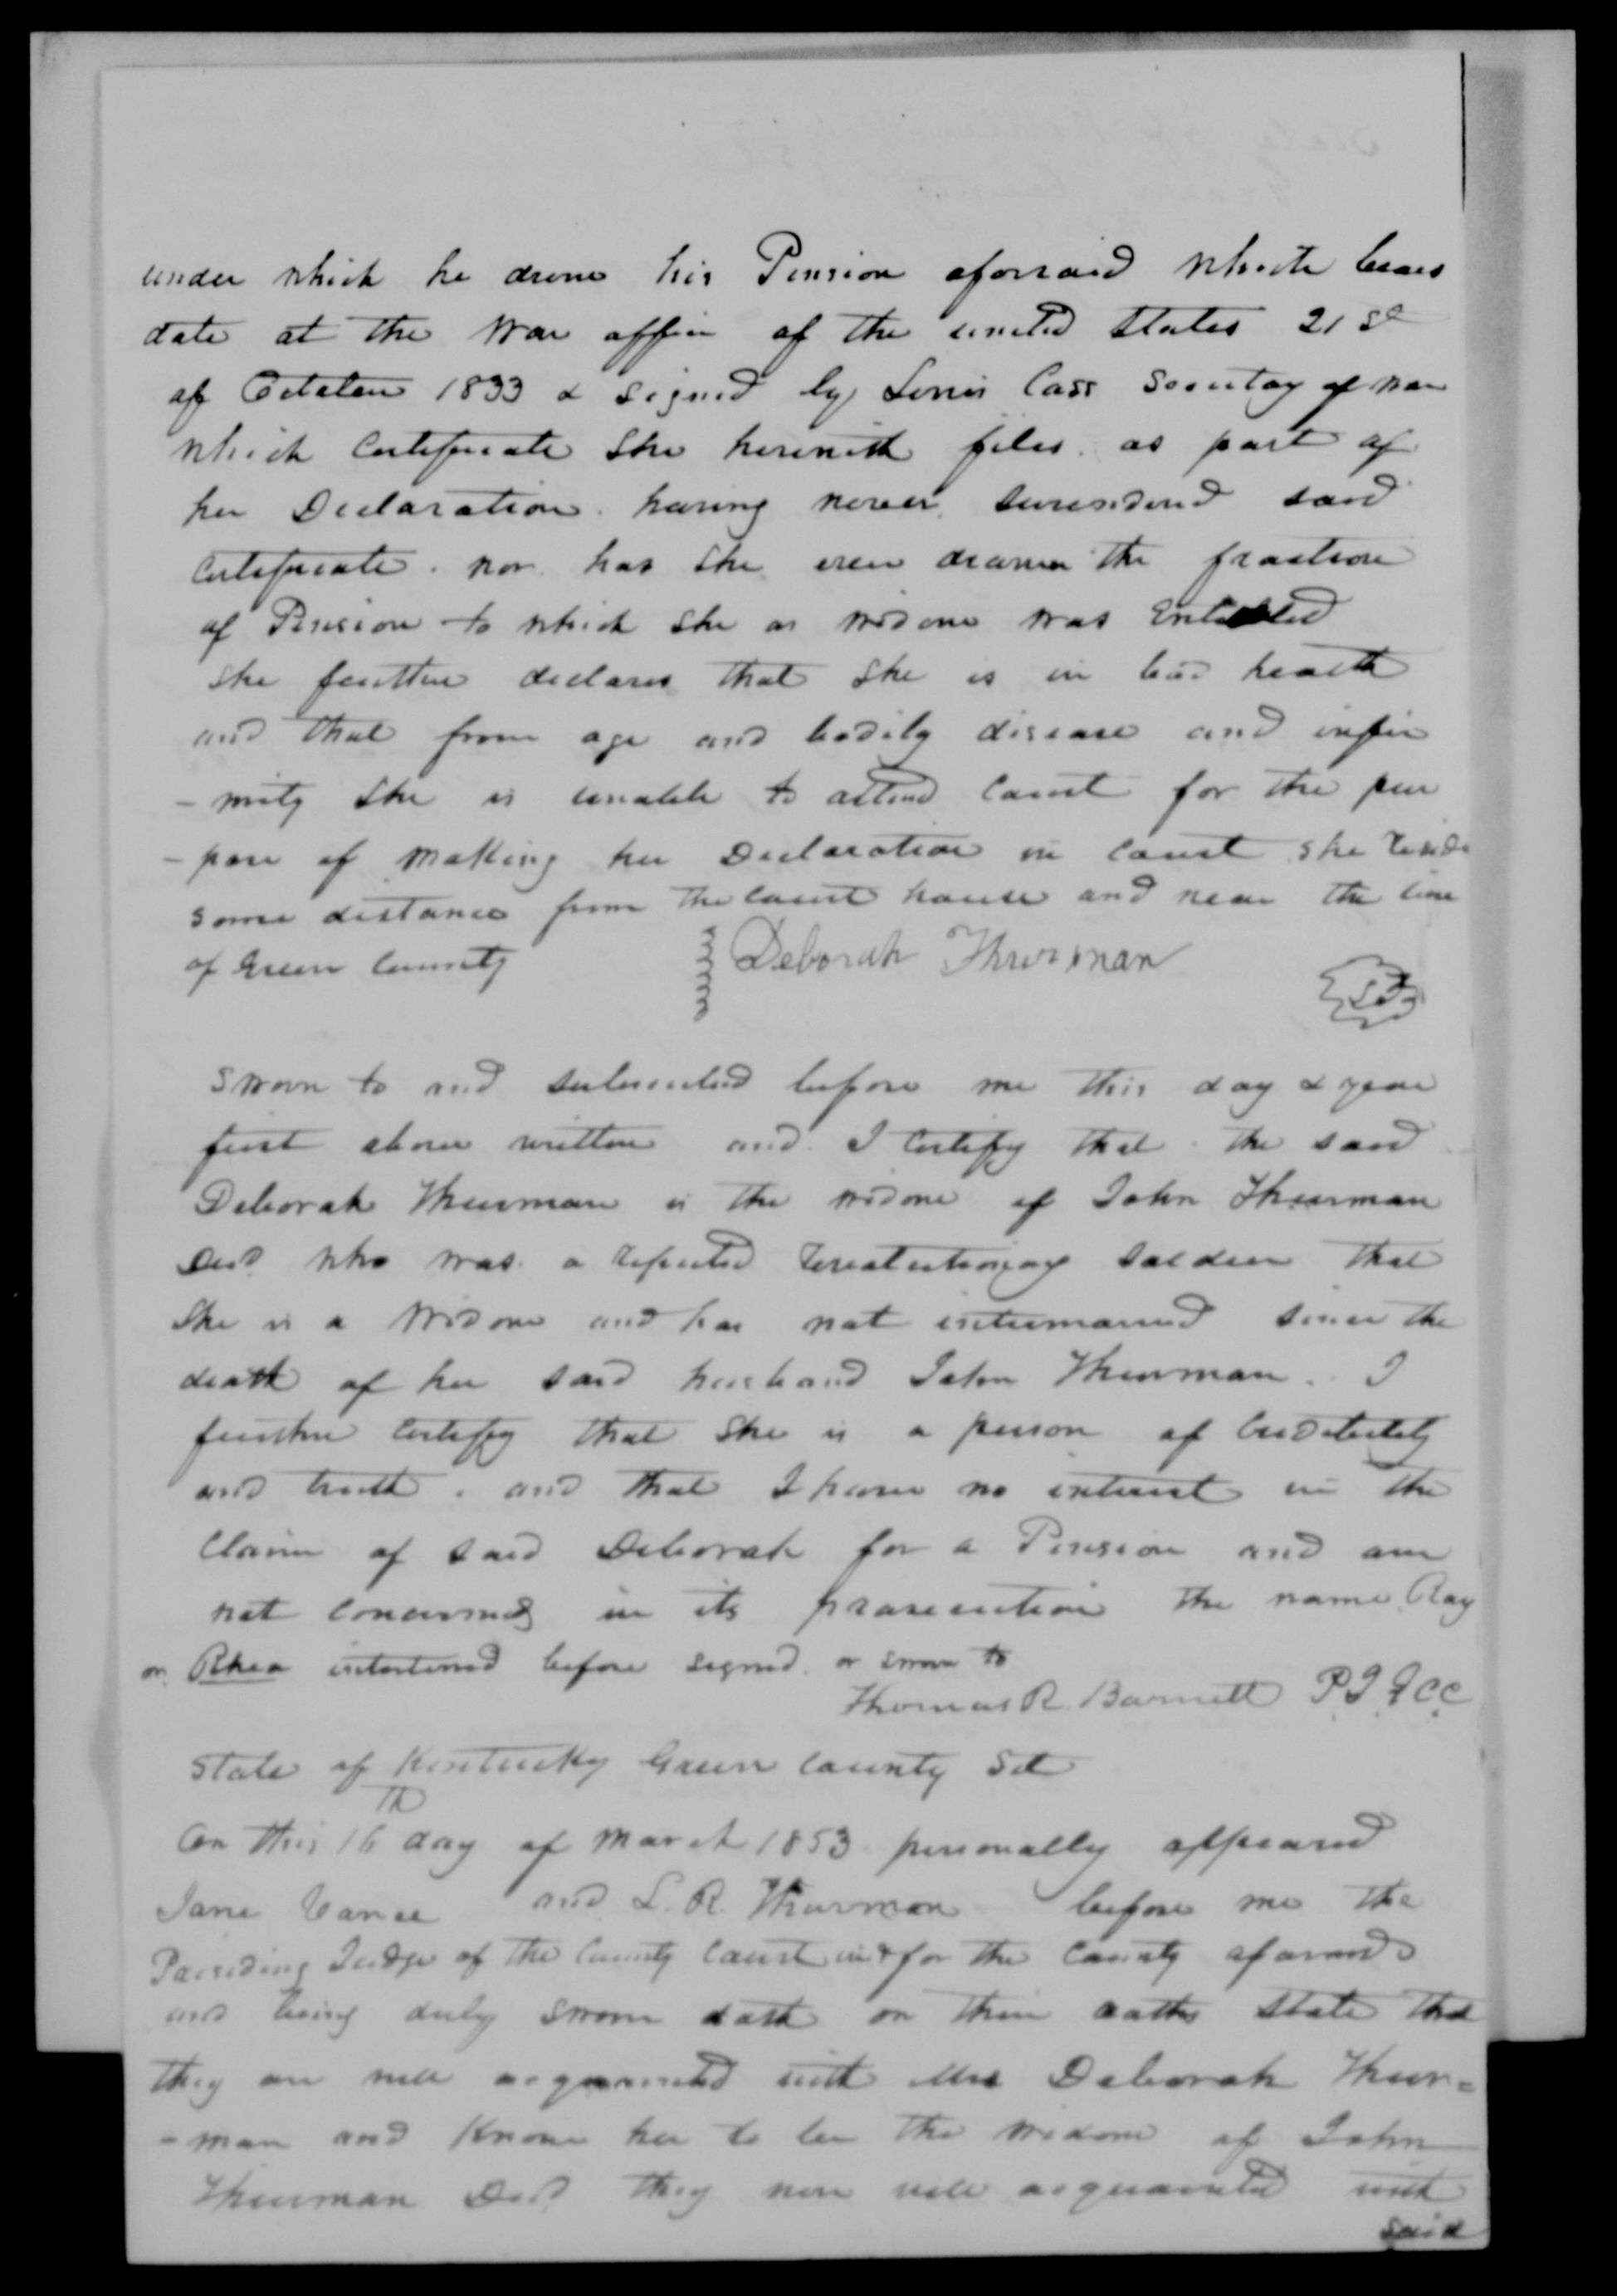under which he drew his Pension aforesaid which bears date at the War office of the United States 21st of October 1833 & signed by Lewis Cass Secretary of War which certificate She herewith files as part of her Declaration  having never surrendered said certificate nor has she ever drawn the fraction of Pension to which she as widow was Entitled  She further declares that she is in bad health  and that from age and bodily disease and infirmity she is unable to attend Court for the purpose of making her Declaration in Court. She resides some distance from the Court House and near the line of Green County . Deborah Thurman 
Sworn to and subscribed before me this day & year first shown written and I certify that the said Deborah Thurman is the widow of John Thurman decd who was a reputed Revolutionary soldier That she is a widow and has not intermarried since the death of her said husband John Thurman. I further certify that she is a person of credibility and truth and that I have no interest in the claim of said Deborah for a Pension and am not concerned in its prosecution the name Ray or Rhea interlined before signed or sworn to. Thomas R. Barnett  P.J.&C.C         
State of Kentucky  Green County Set  
On this 16 day of March 1853 personally appeared Jane Vance  and L. R. Thurman before me the Presiding Judge of the County Court in & for the County aforesaid and being duly sworn doth on their oath state that they are well acquainted with Mrs. Deborah Thurman and know her to be the widow of John Thurman Decd They now well acquainted with said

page: 15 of 53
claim: widow's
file: W. 6,267, for John Thurman, Georgia